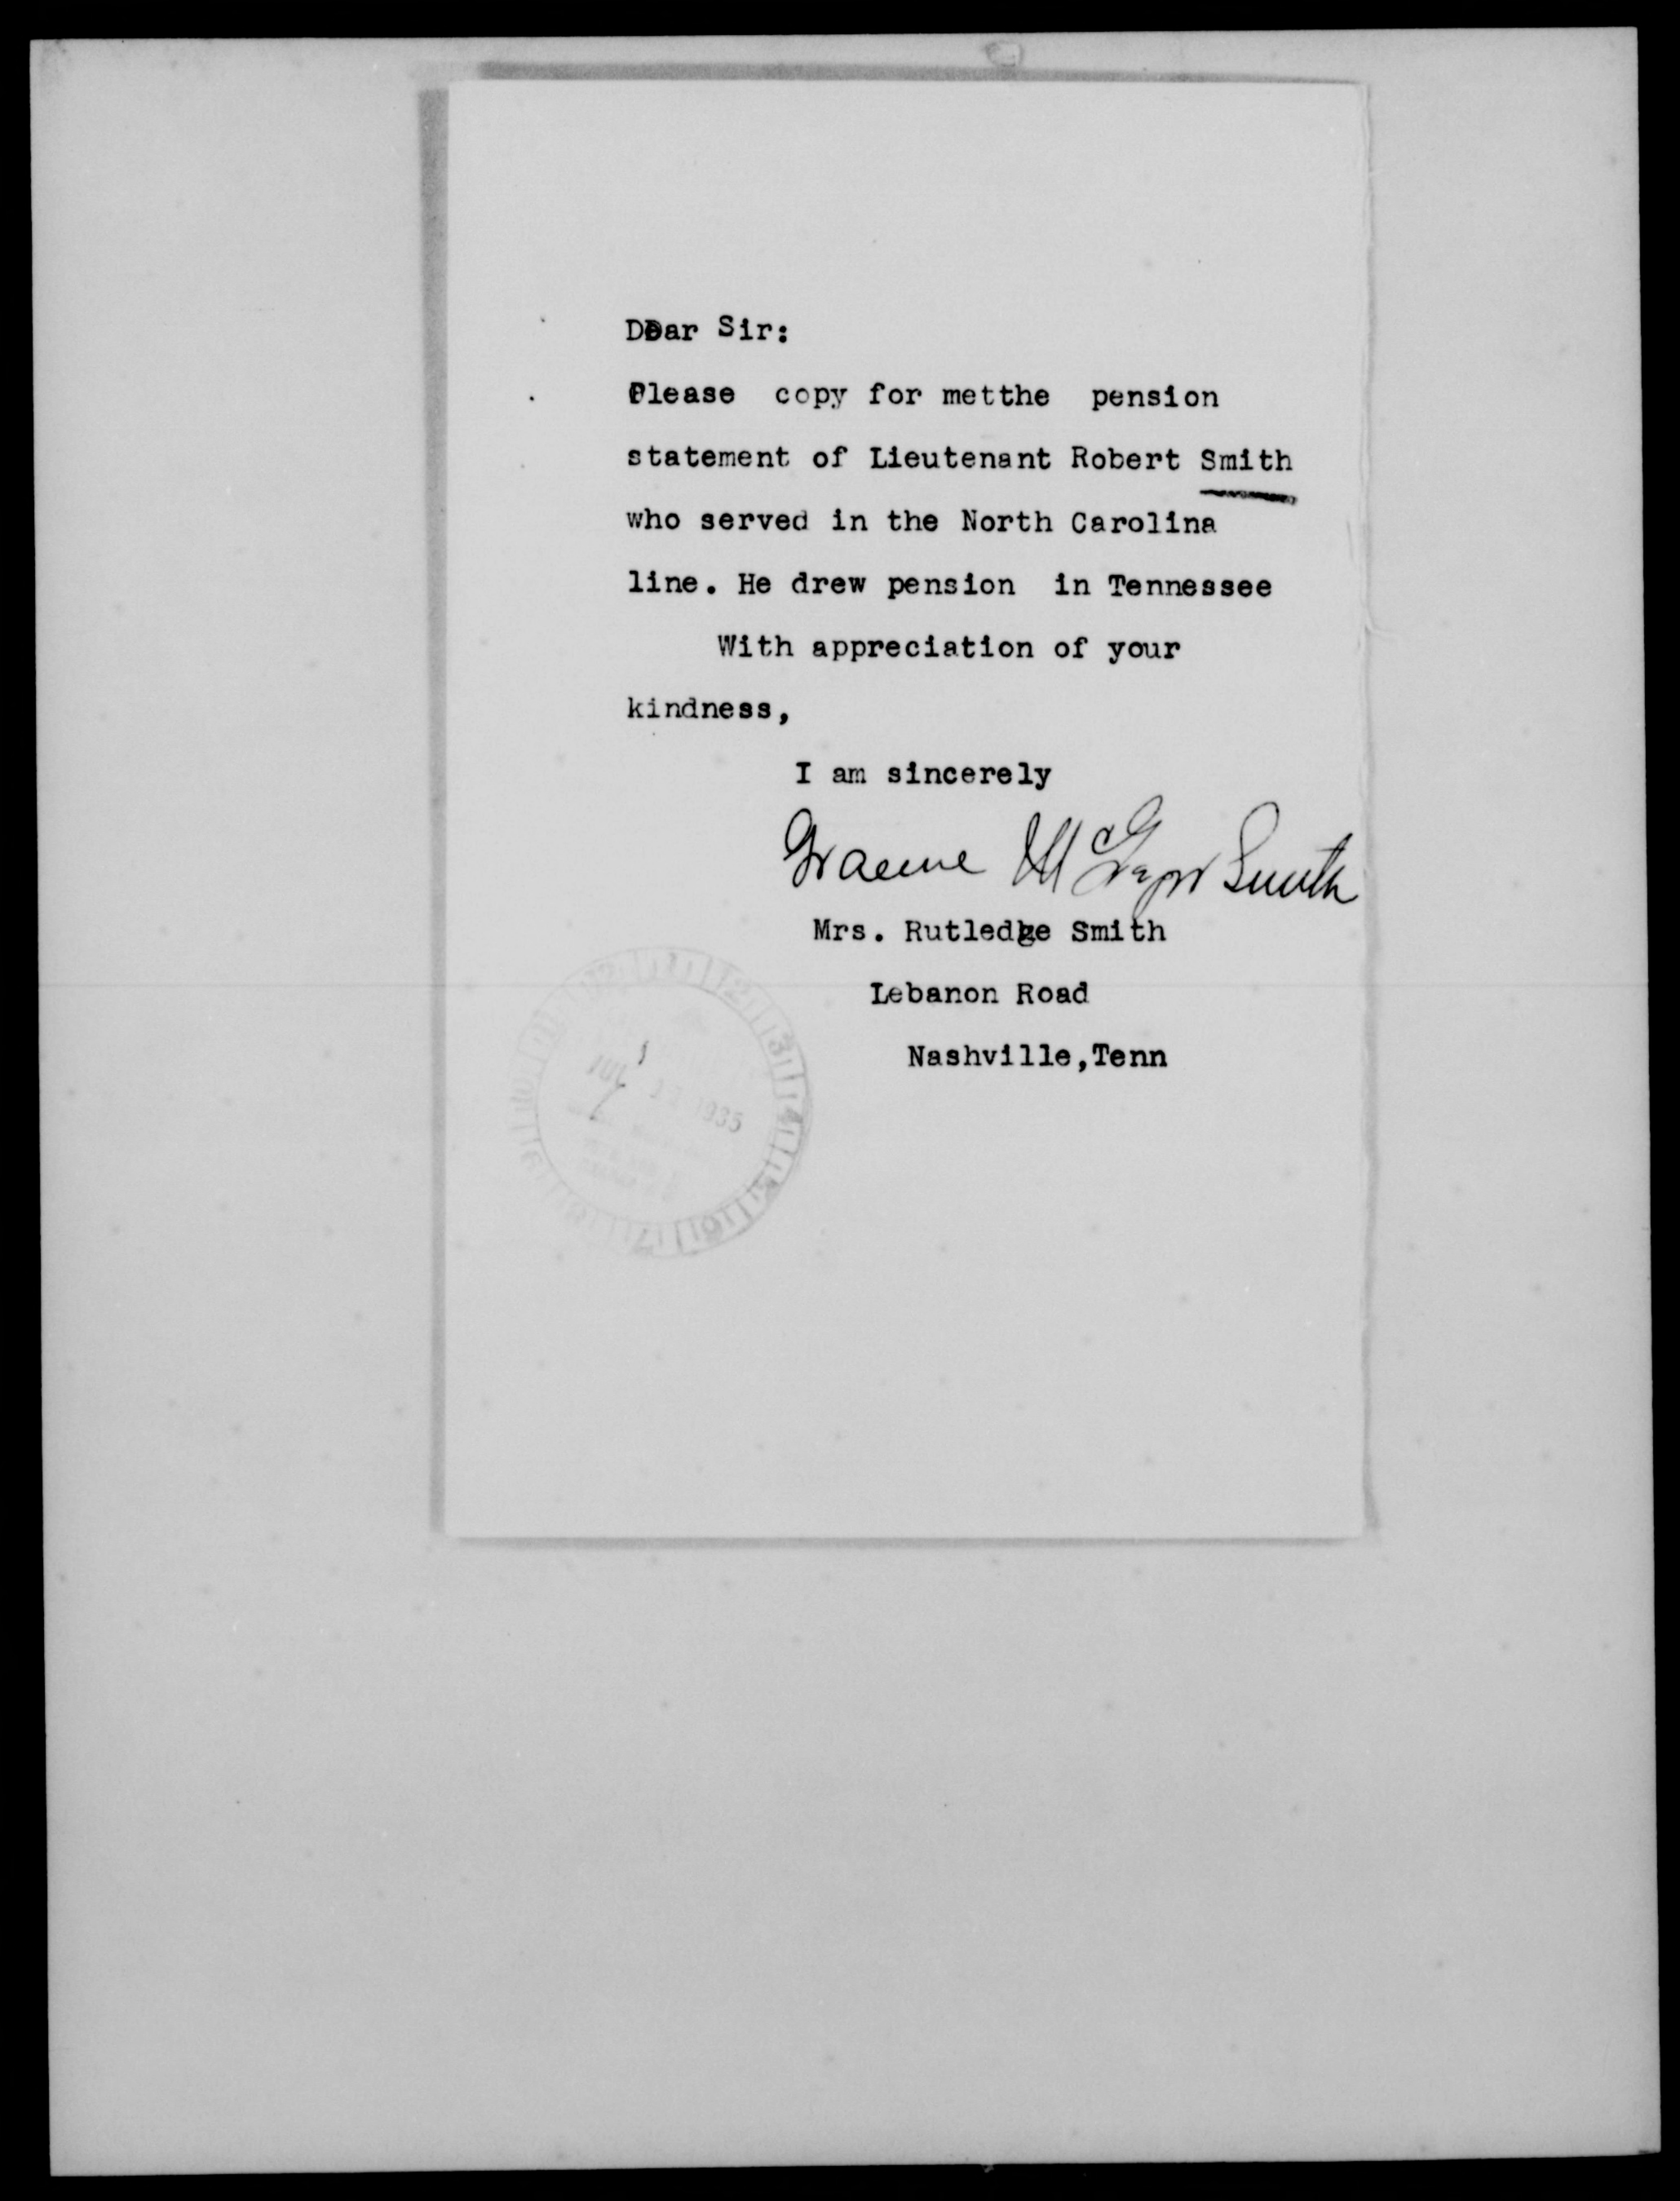Dear Sir:
Please copy for me t the pension
statement of Lieutenant Robert Smith
who served in the North Carolina
line. He drew pension in Tennessee
With appreciation of your
kindness,

I am sincerely
Graeme Mc Gregor Smith
Mrs. Rutledge Smith
Lebanon Road
Nashville, Tenn.

[illegible  time stamp]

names: Rutledge Smith; Graeme Mc Gregor Smith; Robert Smith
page: 40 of 79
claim: widow's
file: W. 1504, for Robert Smith, North Carolina